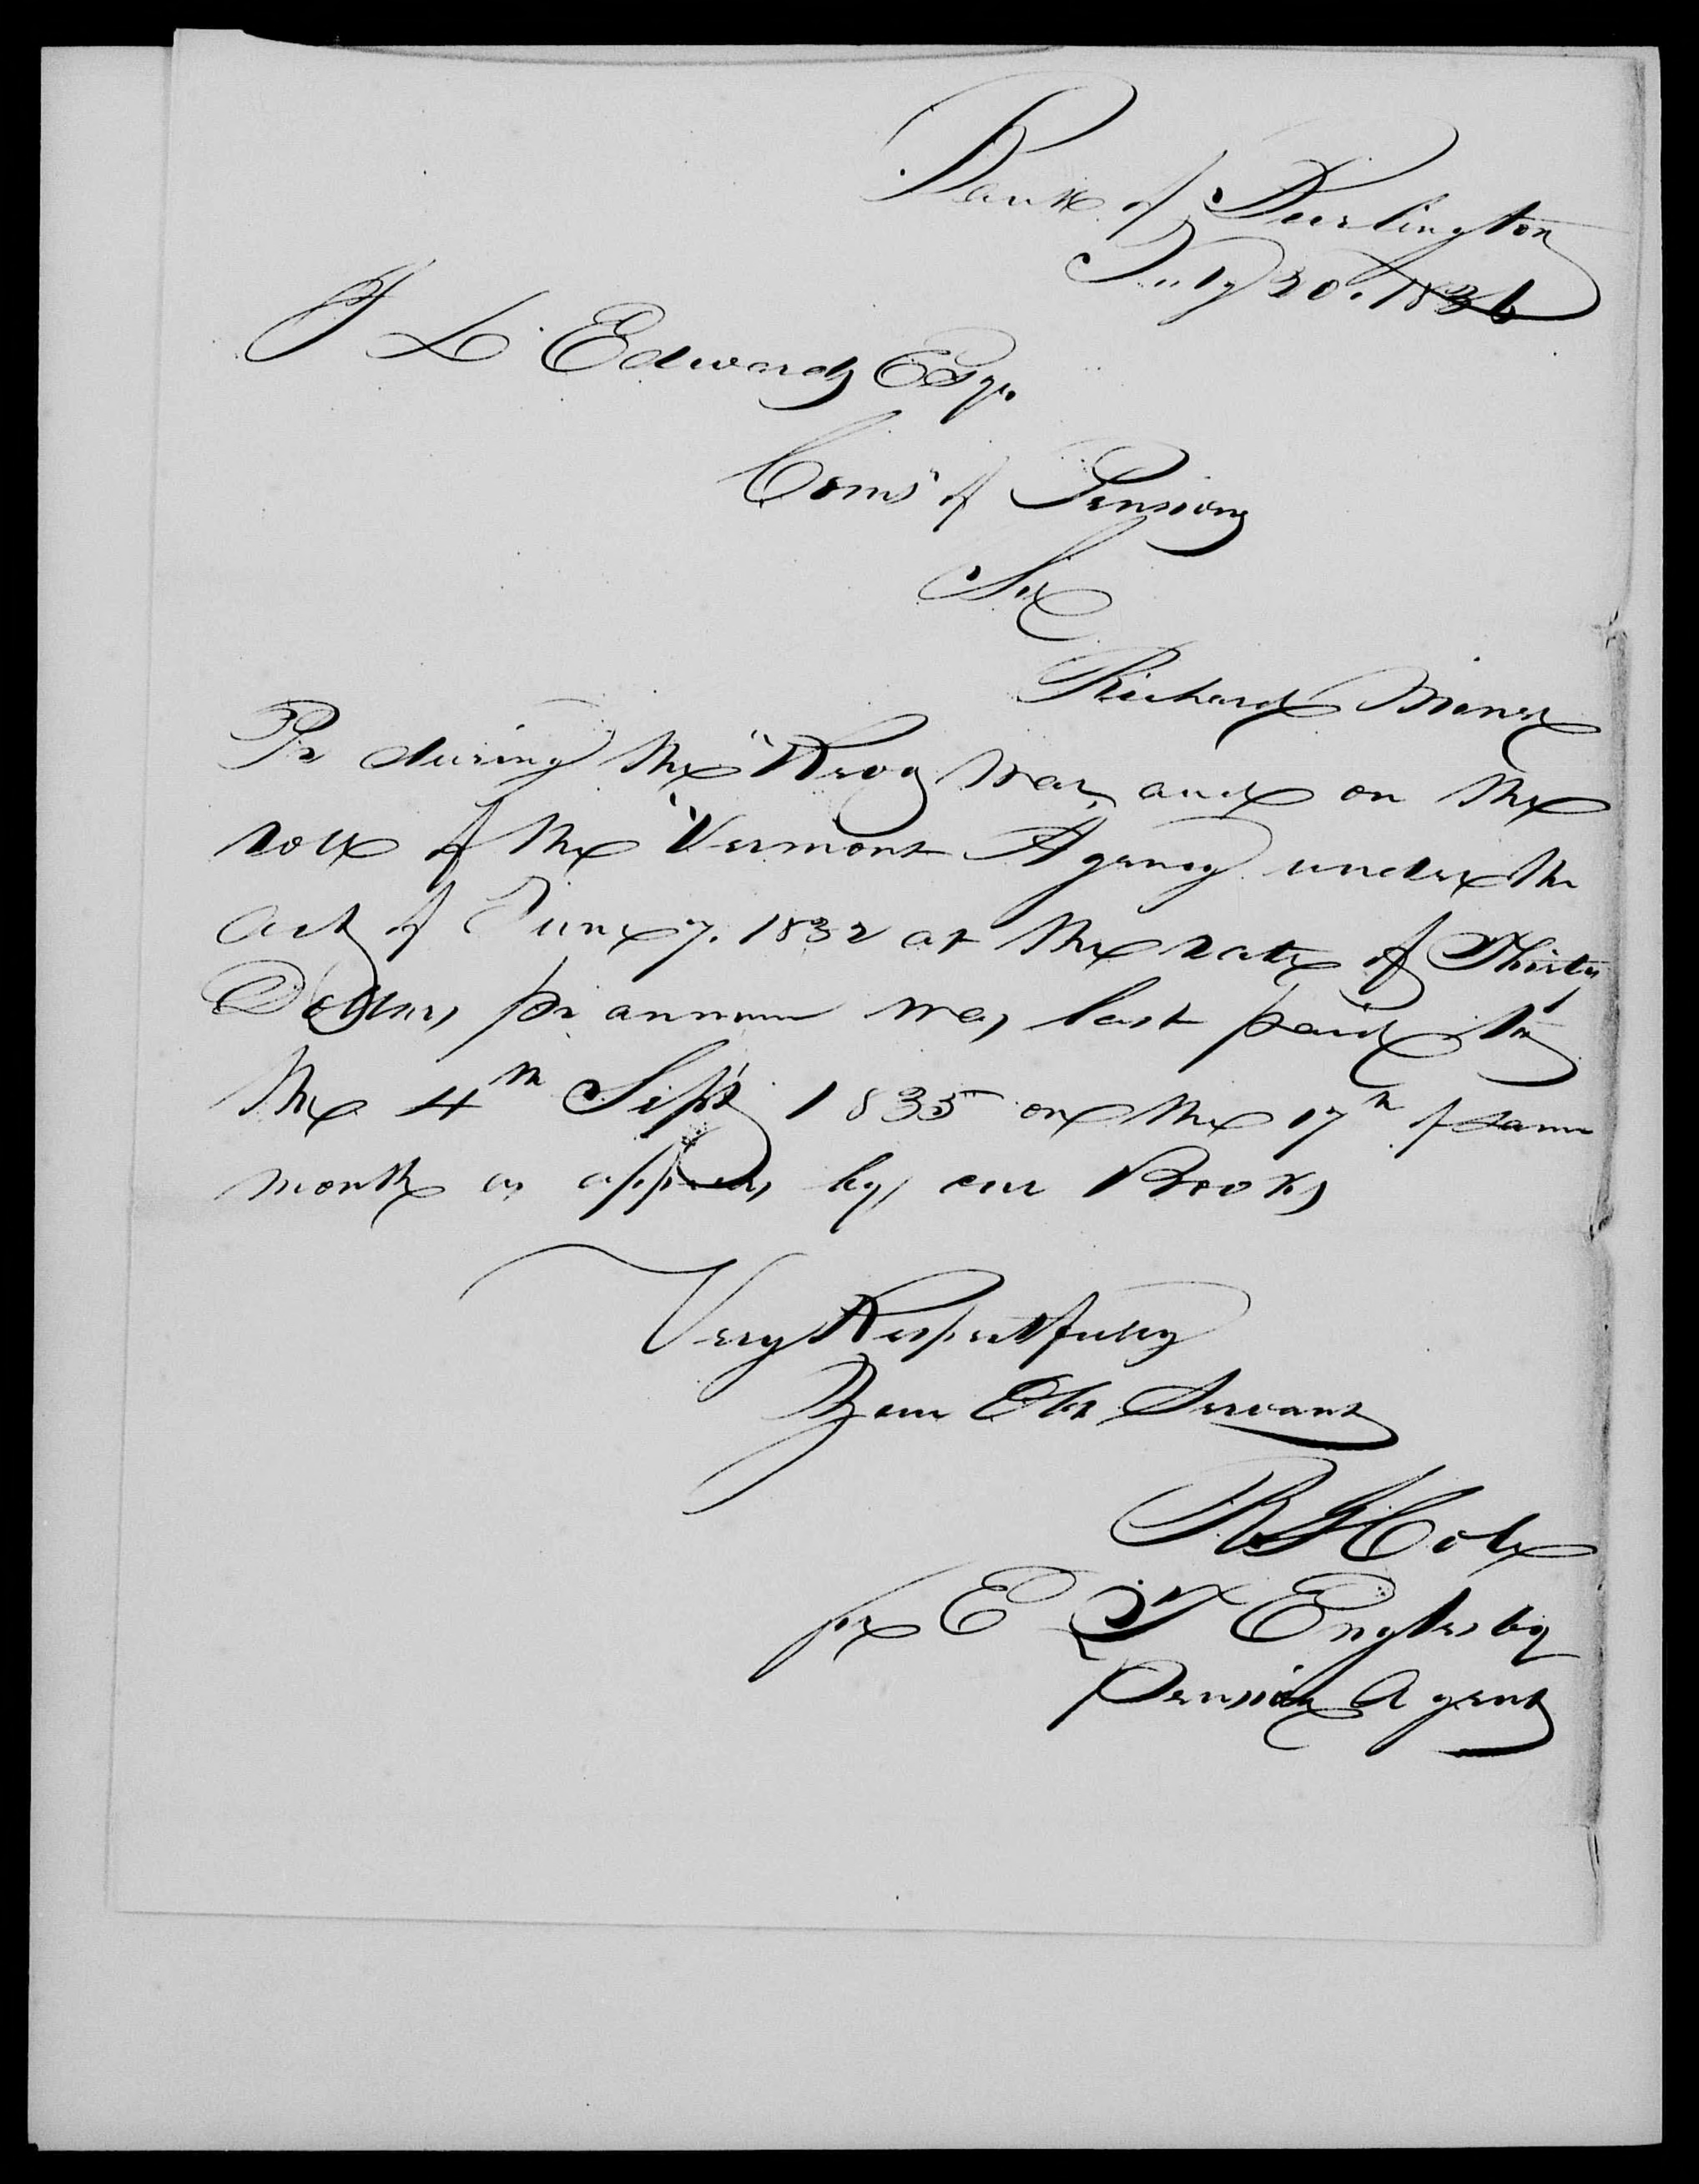Bank of Burlington
July 30, 1836
J L Edwards Esq
Comr of Pensions
Sir
Richard Miner
[illegible] during my [illegible] war and on the
[illegible]
of Vermont Agency under the
Act of
June 7, 1832 at the rate of Thirty
Dollars per annum was last paid [illegible] the
4th
Sept 1835 on the 17th of same
month as appears by our Books
Very Respectfully
Your Obd Servant 
R G Cole
by  E T Englesby
Pension Agent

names: J L Edwards; Richard Miner; R G Cole; E T Englesby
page: 28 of 34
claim: survivor's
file: S. 13944, for Richard Miner, Massachusetts